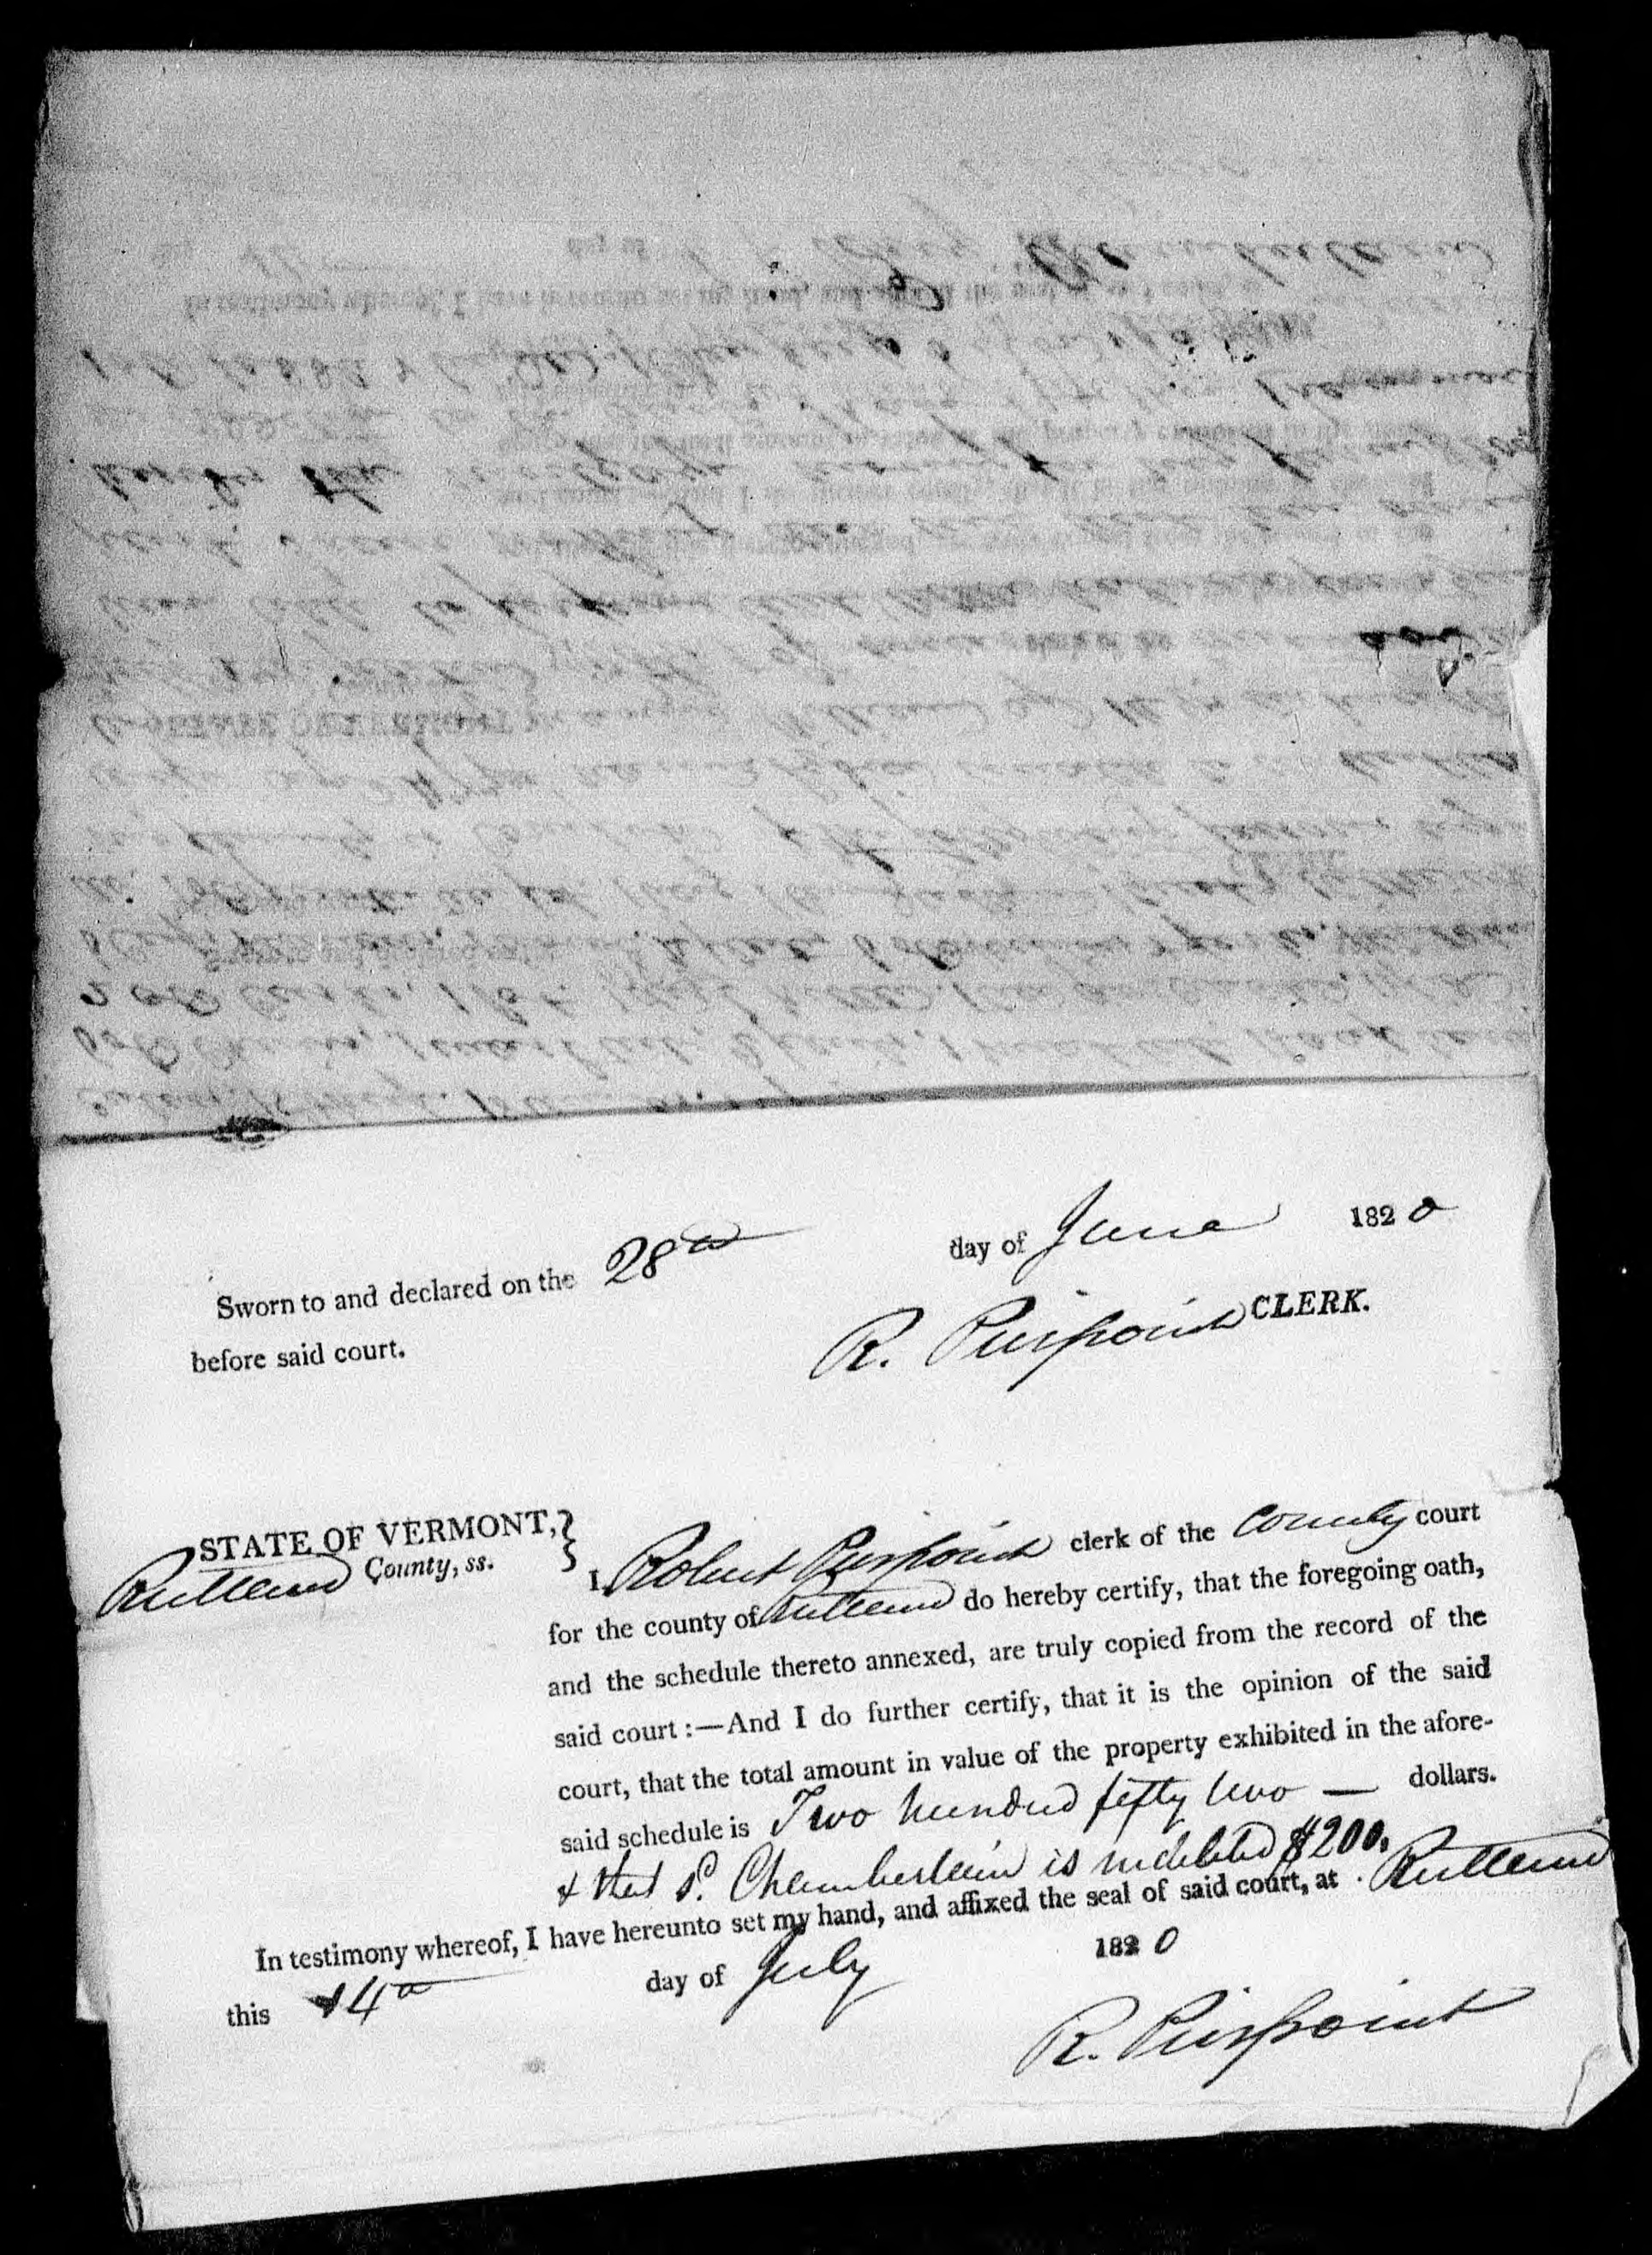Sworn to and declared on the 28th day of June 1820 before said court. R. Pierpoint CLERK.

State of Vermont, Rutland County, ss.} I, Robert Poierpont clerk of the county court for the county of Rutland do hereby certify, that the foregoing oath, and the schedule thereto annexed, are  truly copied from the record of the said court; - And I do further certify, that it is the opinion of the said court, that the total amount in value of the property exhibited in the aforesaid schedule is Two hundred fifty two dollars. and that s'd Chamberlain is indebted $200.
In testimony whereof, I have hereunto set my hand, and affixed the seal of said court, at Rutland this 14th day of July 1820  R. Pierpoint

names: R Pierpoint, R Pierpoint, Chamberlain, Robert Pierpoint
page: 24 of 30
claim: survivor's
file: S. 39306, Benjamin Chamberlin, Mass.